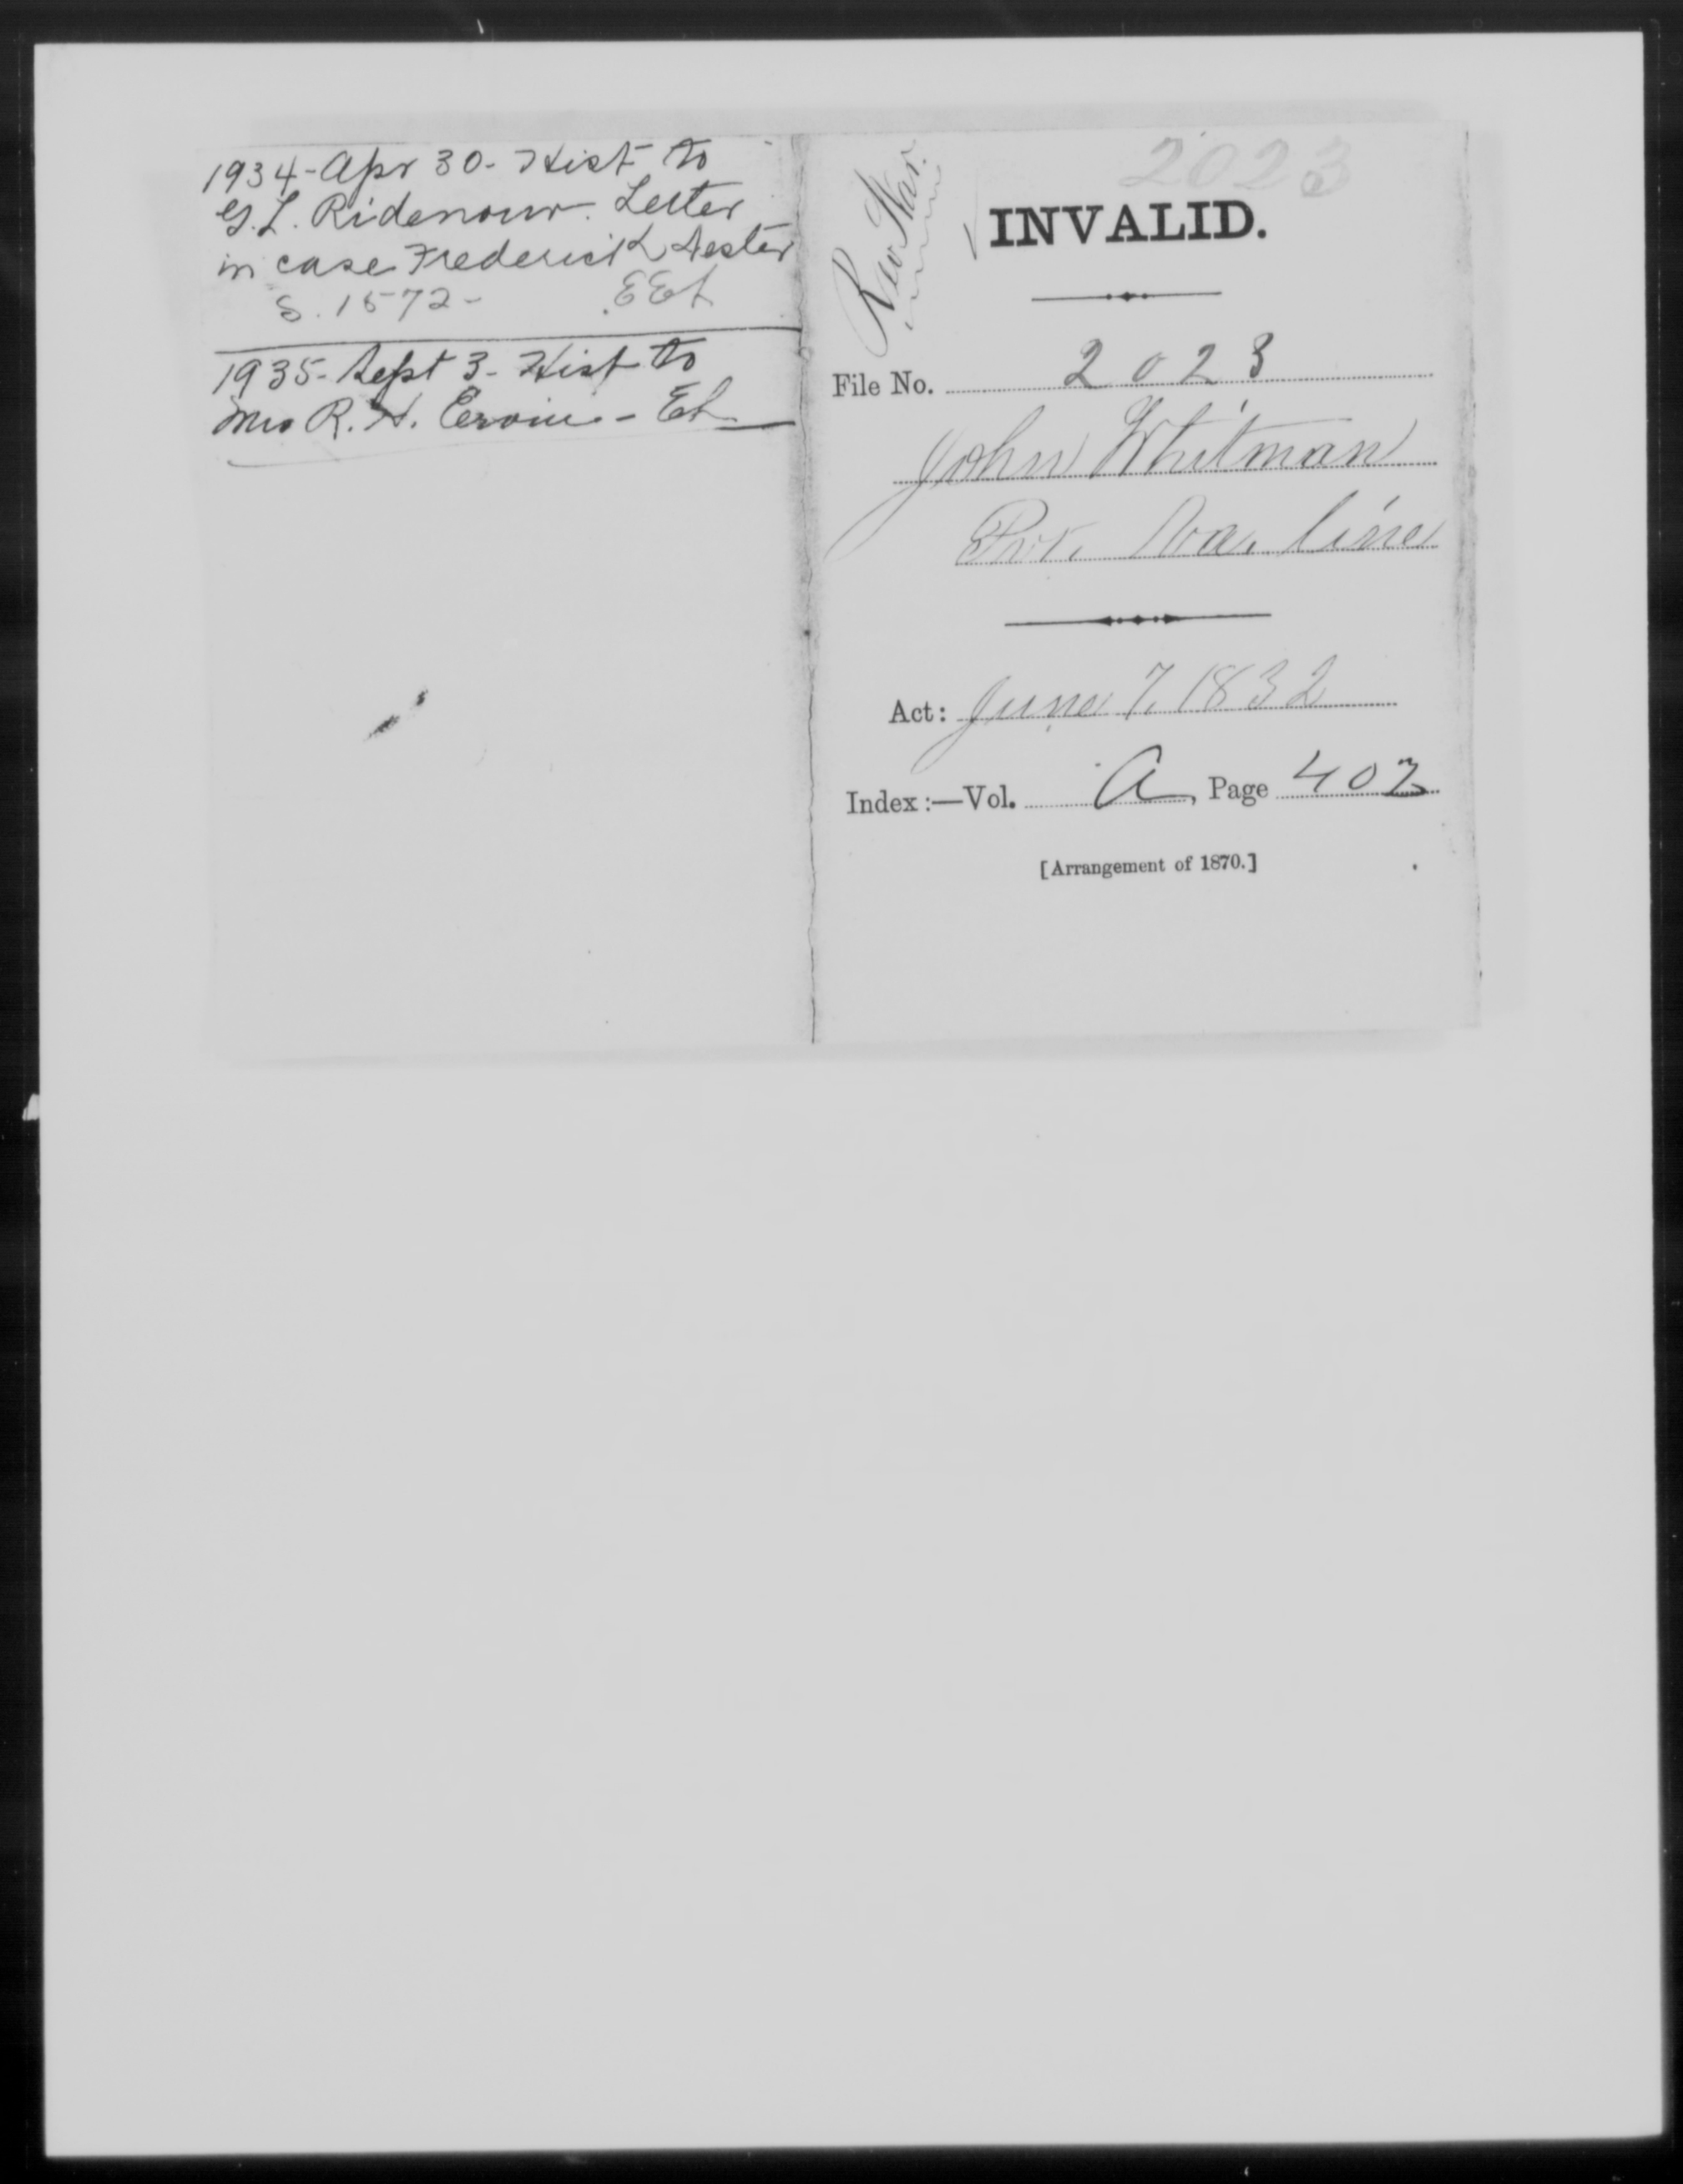1934 - Apr 30. Hist to
G. L. Ridenour Letter
in case Frederick L Lester
S. 1672- EEL

1935 Sept 3. Hist to
Mrs R. H. Ervine

2023
Rev War.
INVALID.

File No. 2023
John Whitman
Pvt Va. line

Act: June 7, 1832
Index: -- Vol. A, Page 402

[Arrangement of 1870.]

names: G L Ridenour, John Whitman, R H Essin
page: 10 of 22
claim: survivor's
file: S 2023, John Whitman, Va.